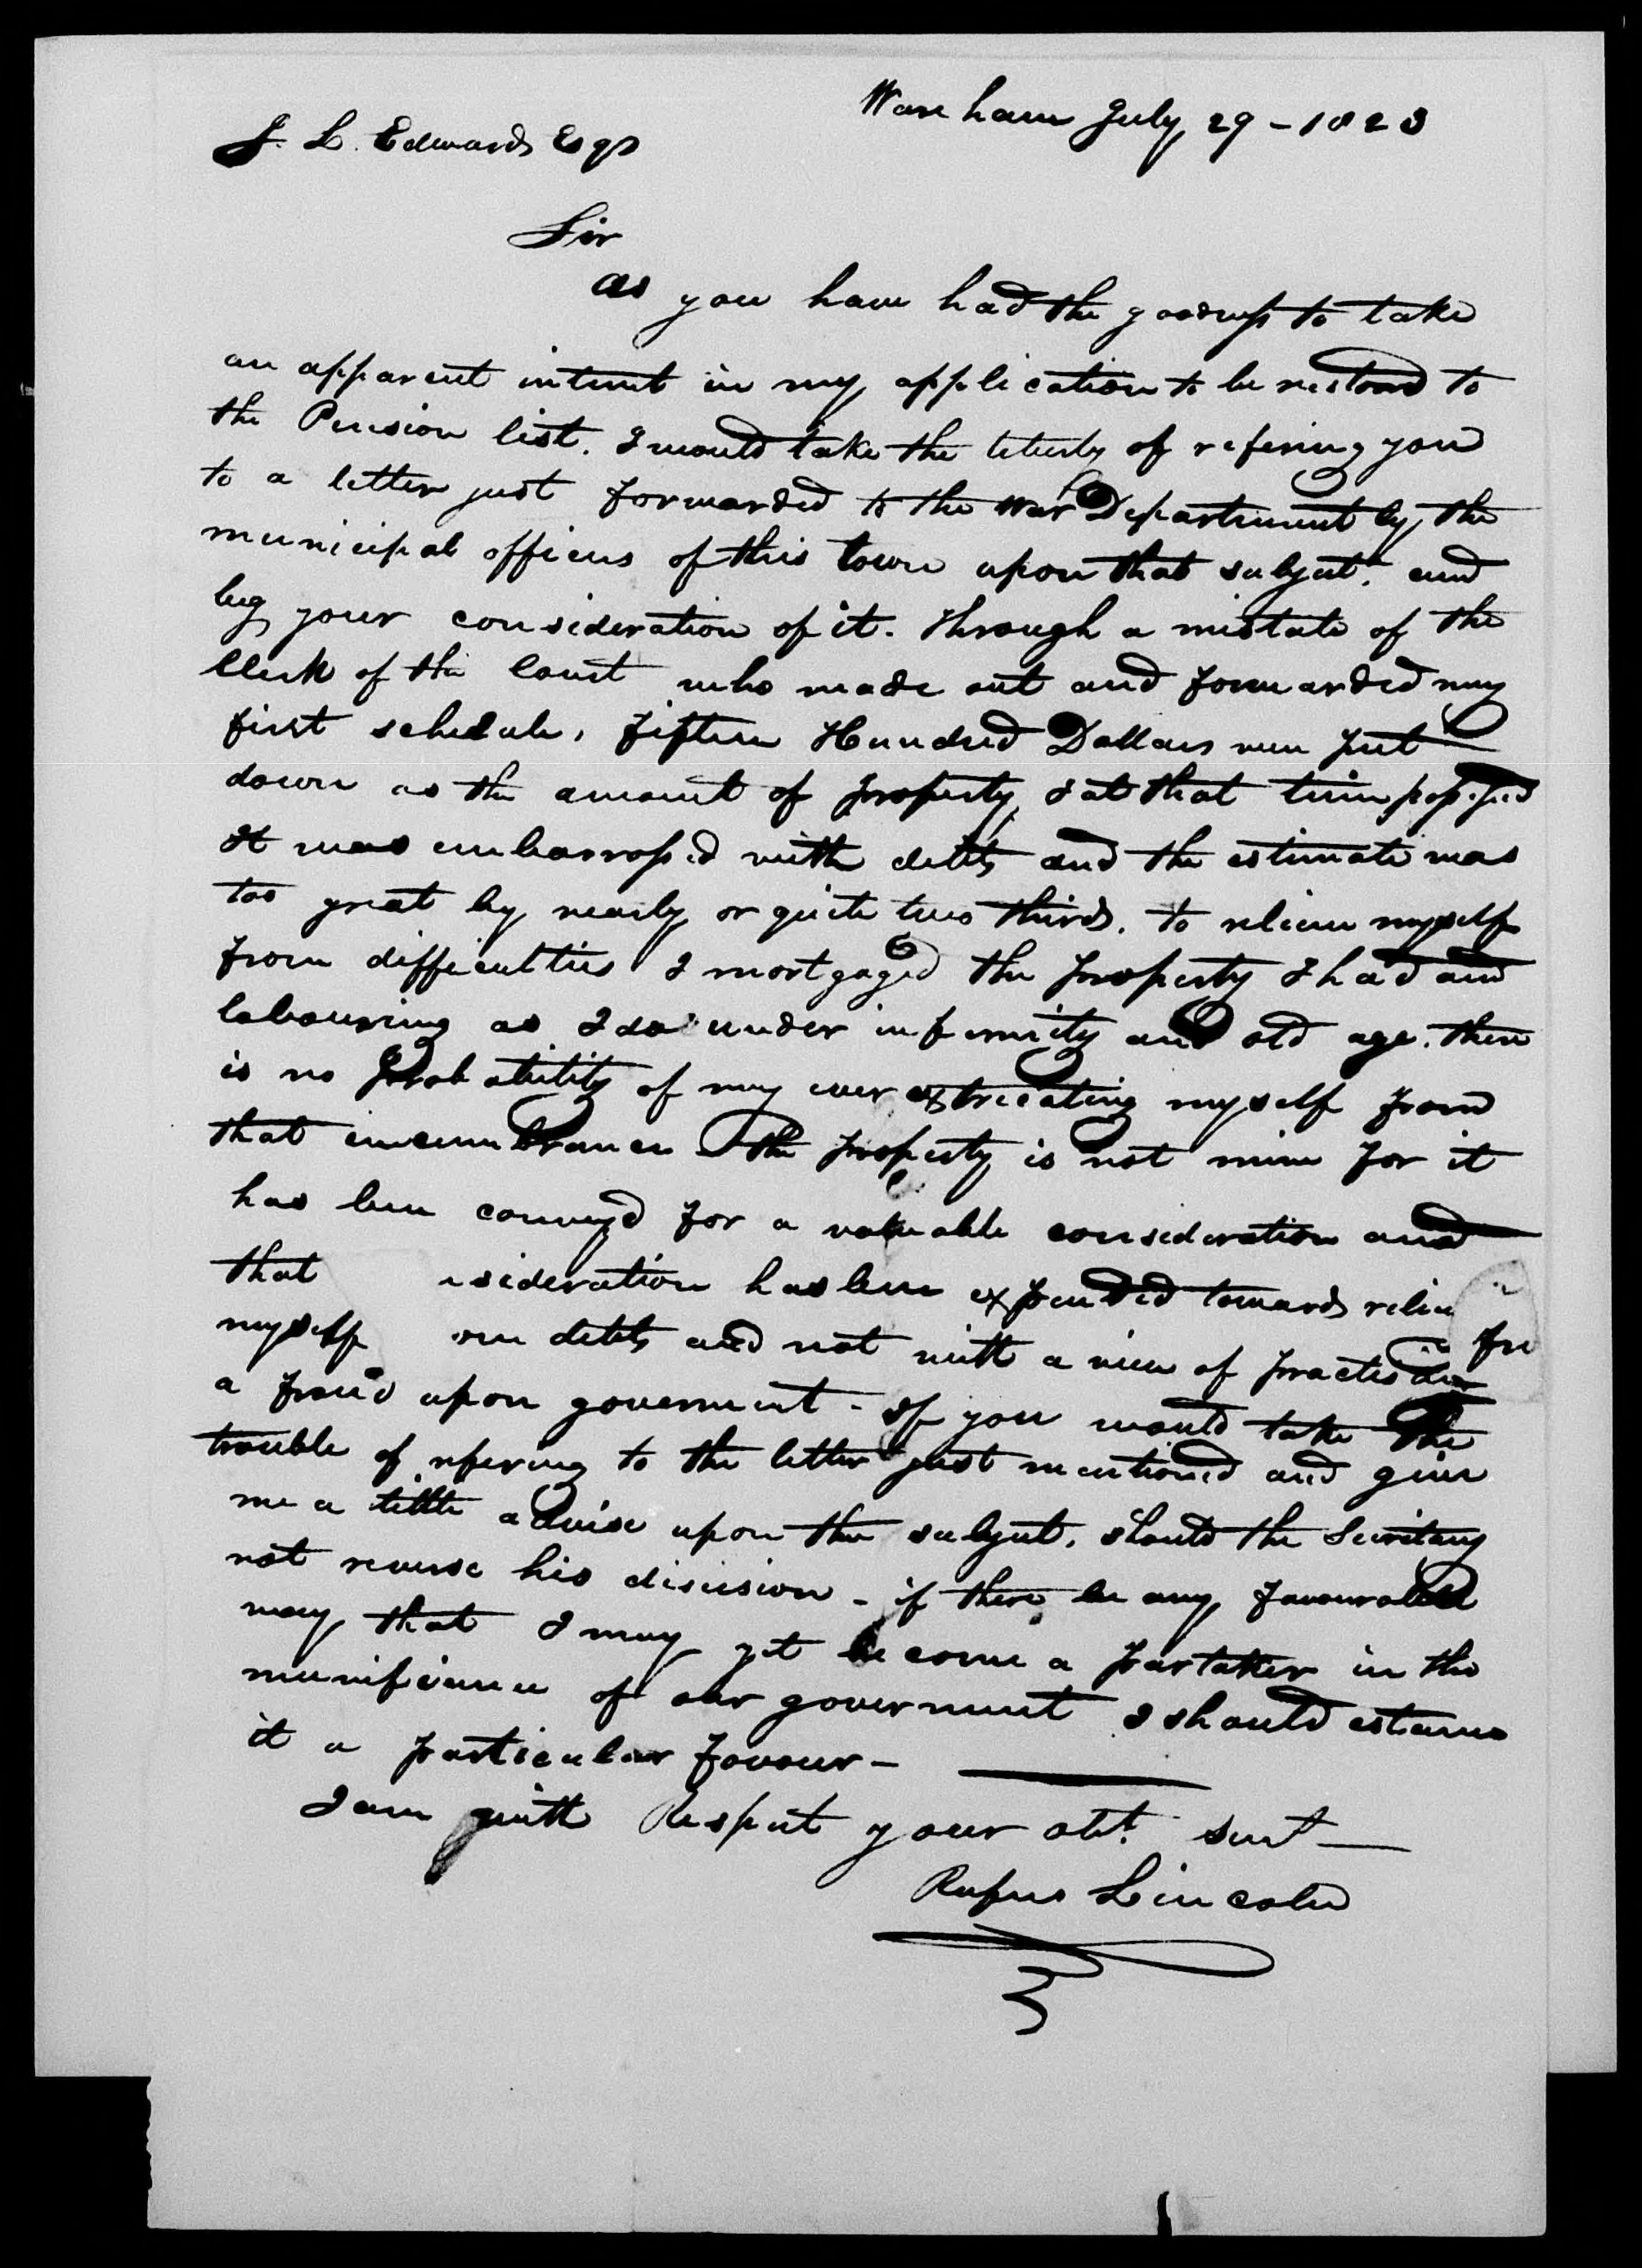Wareham July 29, 1823
J.L. Edwards Esq

Sir
As you have had the goodness to take
an apparent interest in my application to be restored to the Pension list. I would take the liberty of referring you to a letter just forwarded to the war Department by 
by your consideration of it. Through a mistake of the Clerk of the Court who made out and forwarded my first schedule, fifteen Hundred Dollars was put down as the amount of property at that time possessed-
It was embarrassed with debts and the estimate was too great by nearly or quite two thirds- to relieve myself from difficulties I mortgaged the property I had and labouring as I do under infirmity and old age there
is no probability of my ever extricating myself from that -the property is not mine for it has been conveyed for a valuable consideration and that consideration has been expended toward relinquishing myself of our  debts and not with a view of practicing a fraud 
upon government-if you would want to take
the trouble of referring to the letter just mentioned and give me a little advise upon the subject, should the Secretary
not reverse his decision, if there be any favourable munificence of our government
may that I may yet become a partaker in the
munificence of our government- I should esteem it a particular favour-
I am with Respect Your obt sert-
-
Rufus Lincoln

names: J L Edwards; Rufus Lincoln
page: 77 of 82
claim: widow's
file: W. 13,634, for Rufus Lincoln, Massachusetts